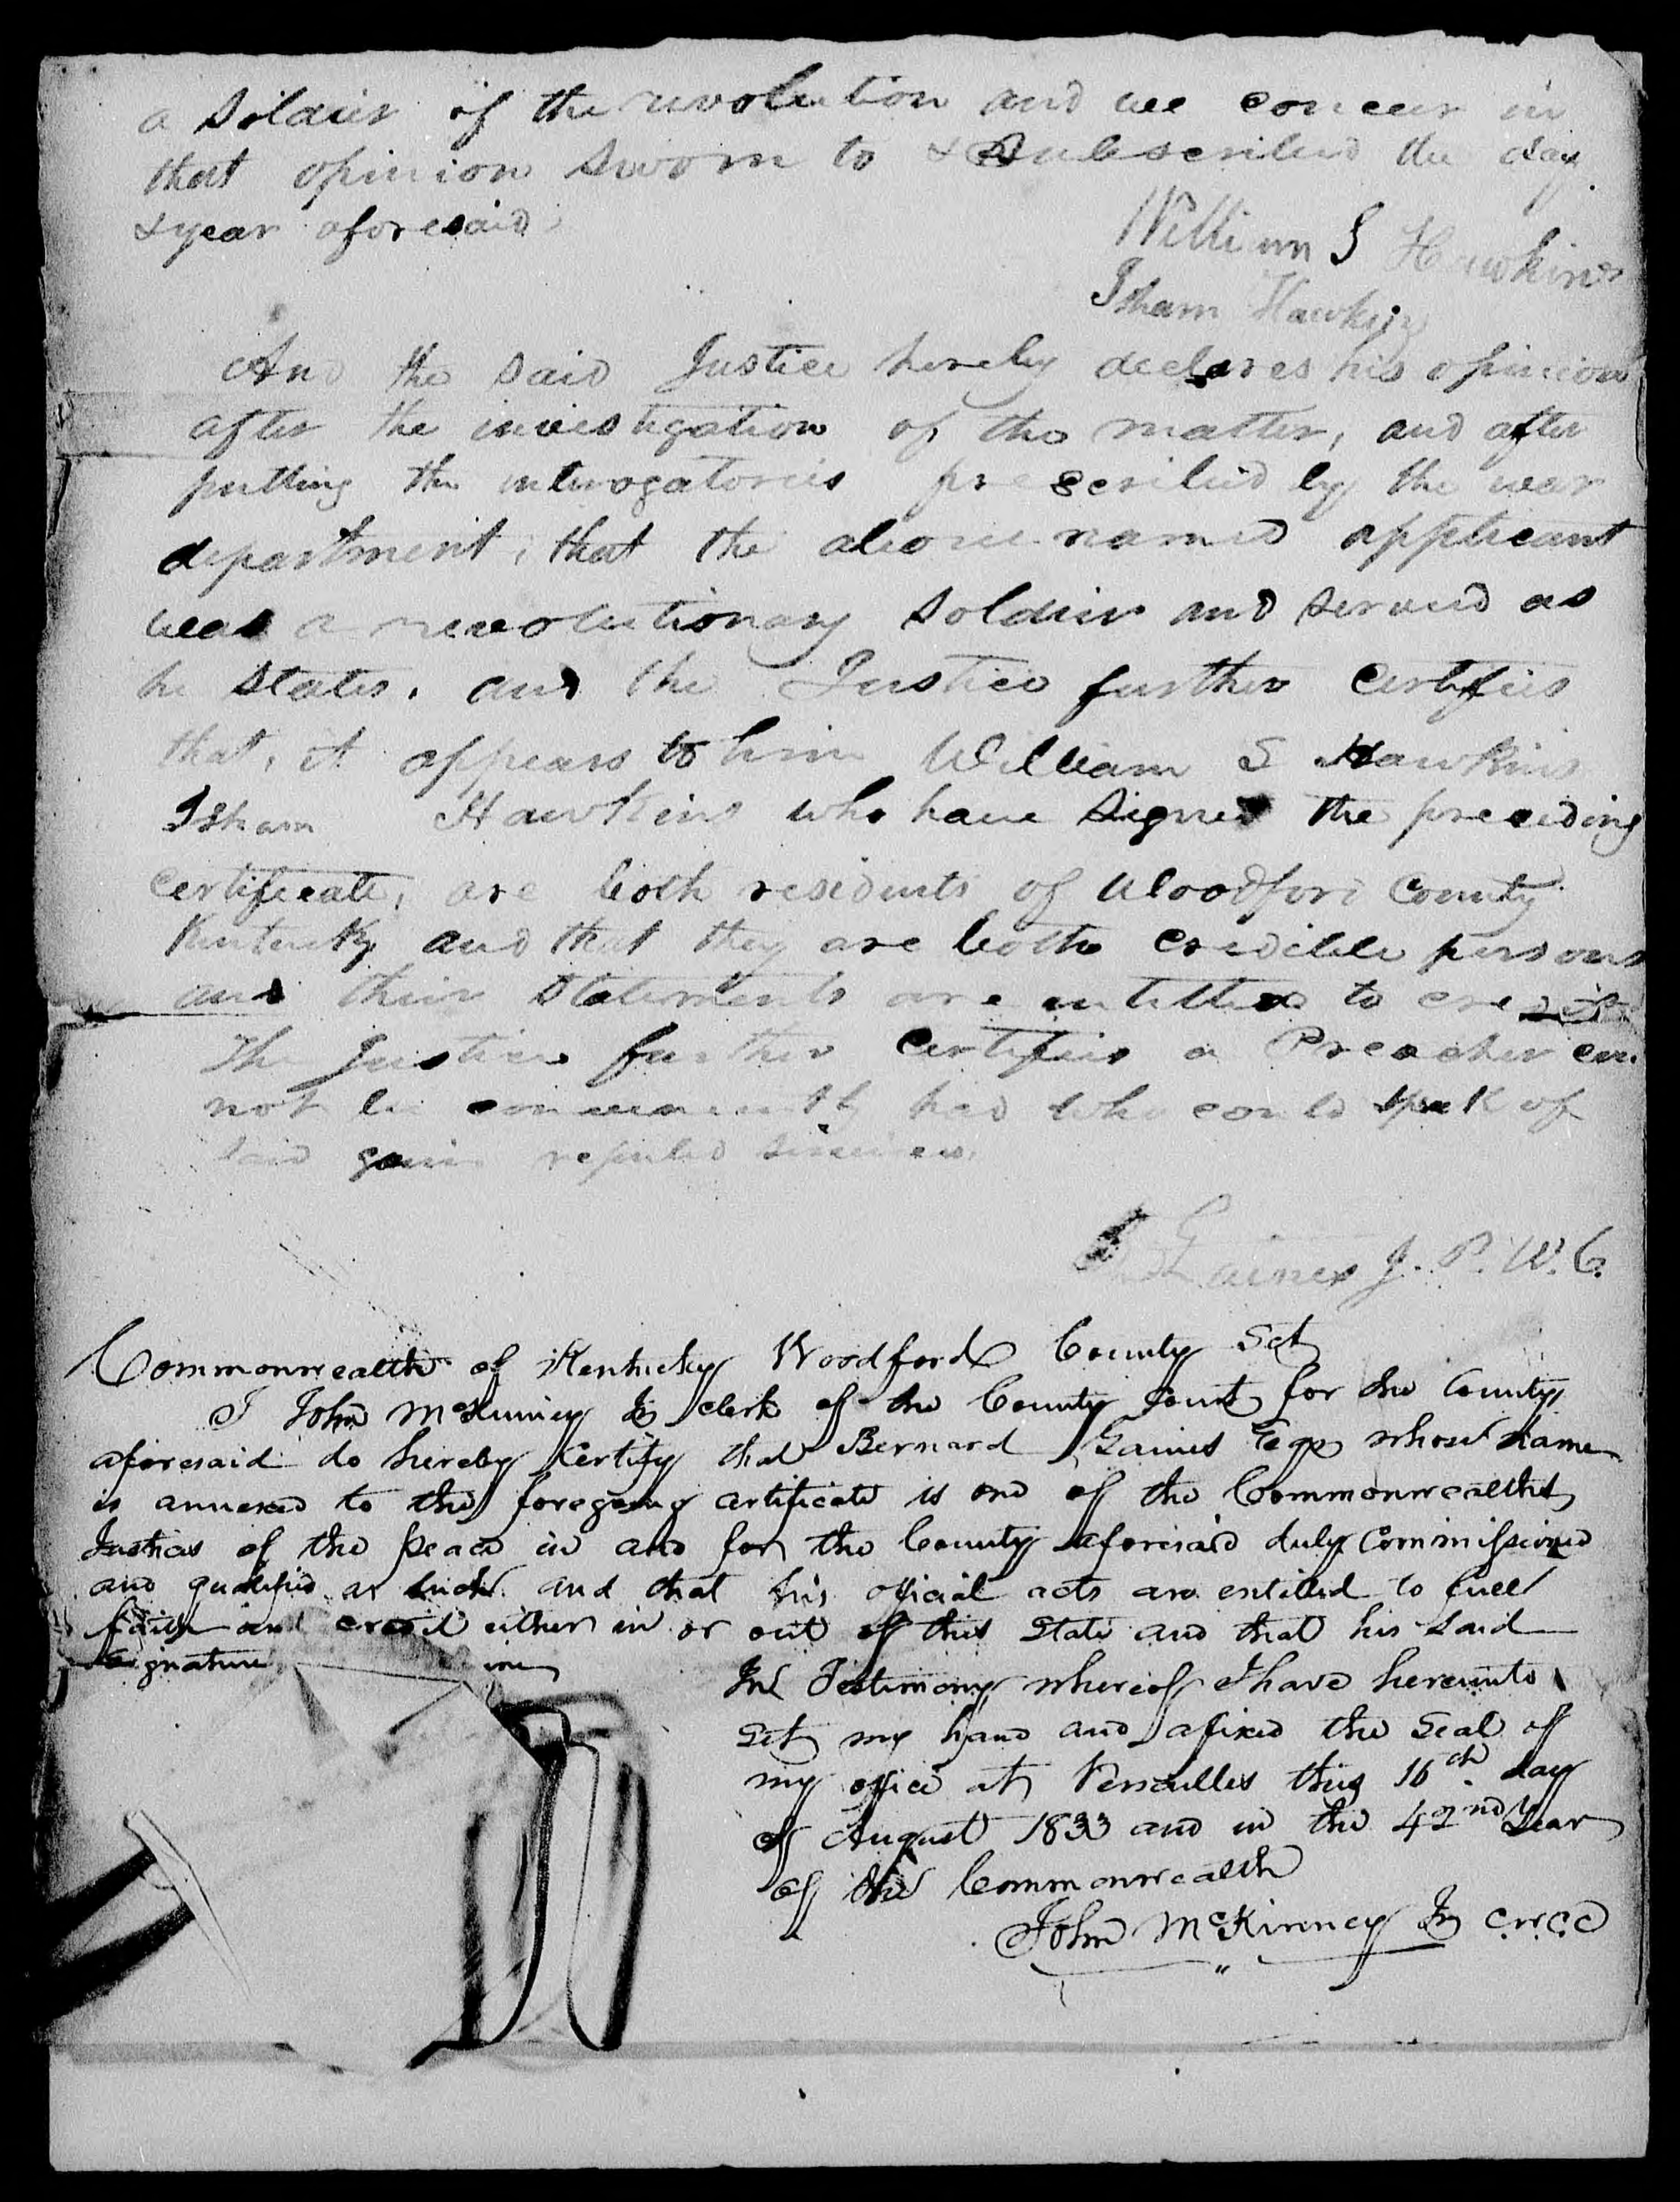a soldier of the revolution and we concur in
that opinion sworn to & subscribed the day
& year aforesaid;
William S Hawkins
Isham Hawkins
And the said Justice hereby declares his opinion
after the investigation of the matter, and after
putting the interogatories prescribed by the war
department, that the above named applicant
was a revolutionary soldier and served as
he states, and the Justice further certifies
that, it appears to him William S Hawkins
Isham Hawkins who have signed the preceding
certificate, are both residents of Woodford County.
Kentucky and that they are both credible persons
and their statements are entitled to credit
The Justice further certifies a Preacher cannot
not be conveniently had who could speak of
said Gains reputed services.
B Gaines J.P.W.C.
Commonwealth of Kentucky Woodford County Sct
I John McKinney Clerk of the County Court for the County
foresaid do hereby certify that Bernard Gaines Esqr whose name
is annexed to the foregoing certificate is one of the Commonwealth
Justices of the peace in and for the County aforesaid duly commissioned
and qualified as such and that his official acts are entitled to full
faith and credit either in or out of this State and that his said
signature [illegible]
In Testimony whereof I have hereunto
set my hand and affixed the seal of
my office at Versailles this 16th day
of August, 1833 and in the 42nd year
of this Commonwealth
John McKinney Jr C.W.C.C.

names: Gaines, William S Hawkins, John Mc Kinney, Isham Hawkins, John Mc Kinney, Bernard Gaines, Isham Hawkins, William S Hawkins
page: 9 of 79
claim: rejected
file: R. 3863, Robert Gaines, Va.